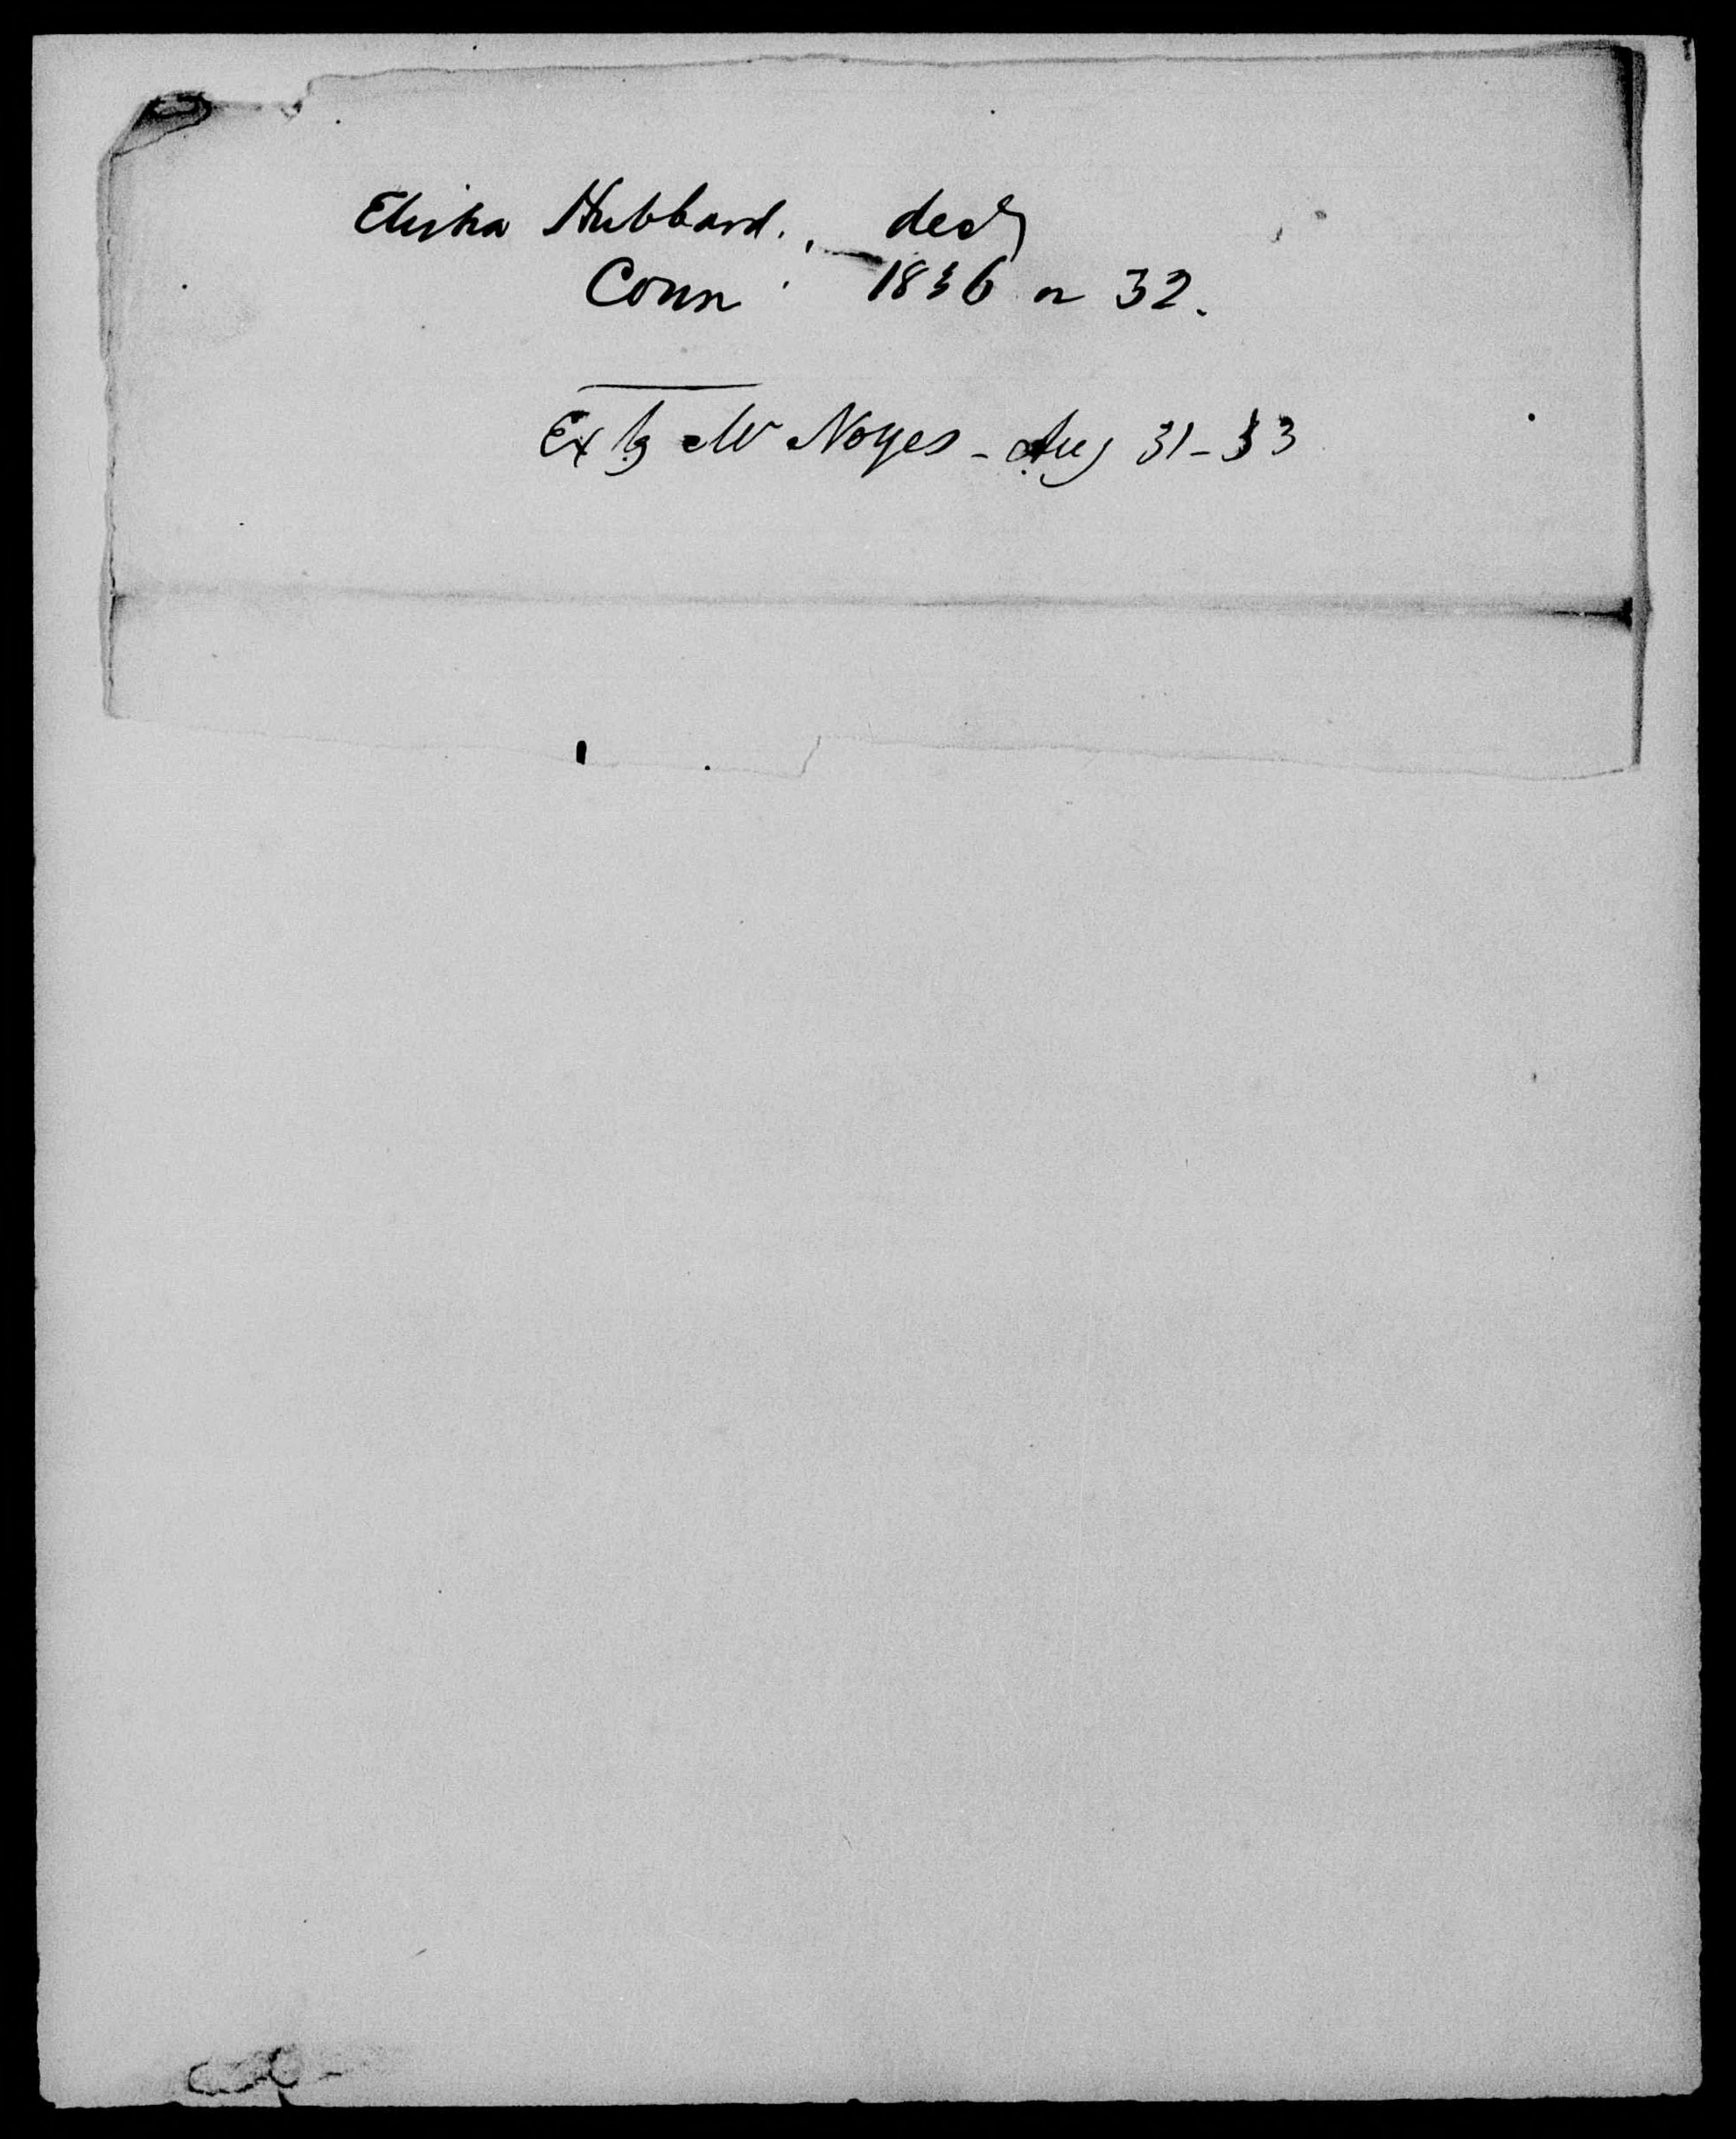Elisha Hubbard.  desd
Conn    1836 or 32

Ex by W Noyes - Aug 31 - 53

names: Noyes, Elisha Hubbard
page: 17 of 63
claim: survivor's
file: S. 18457, Elisha Hubbard, Conn. Continental